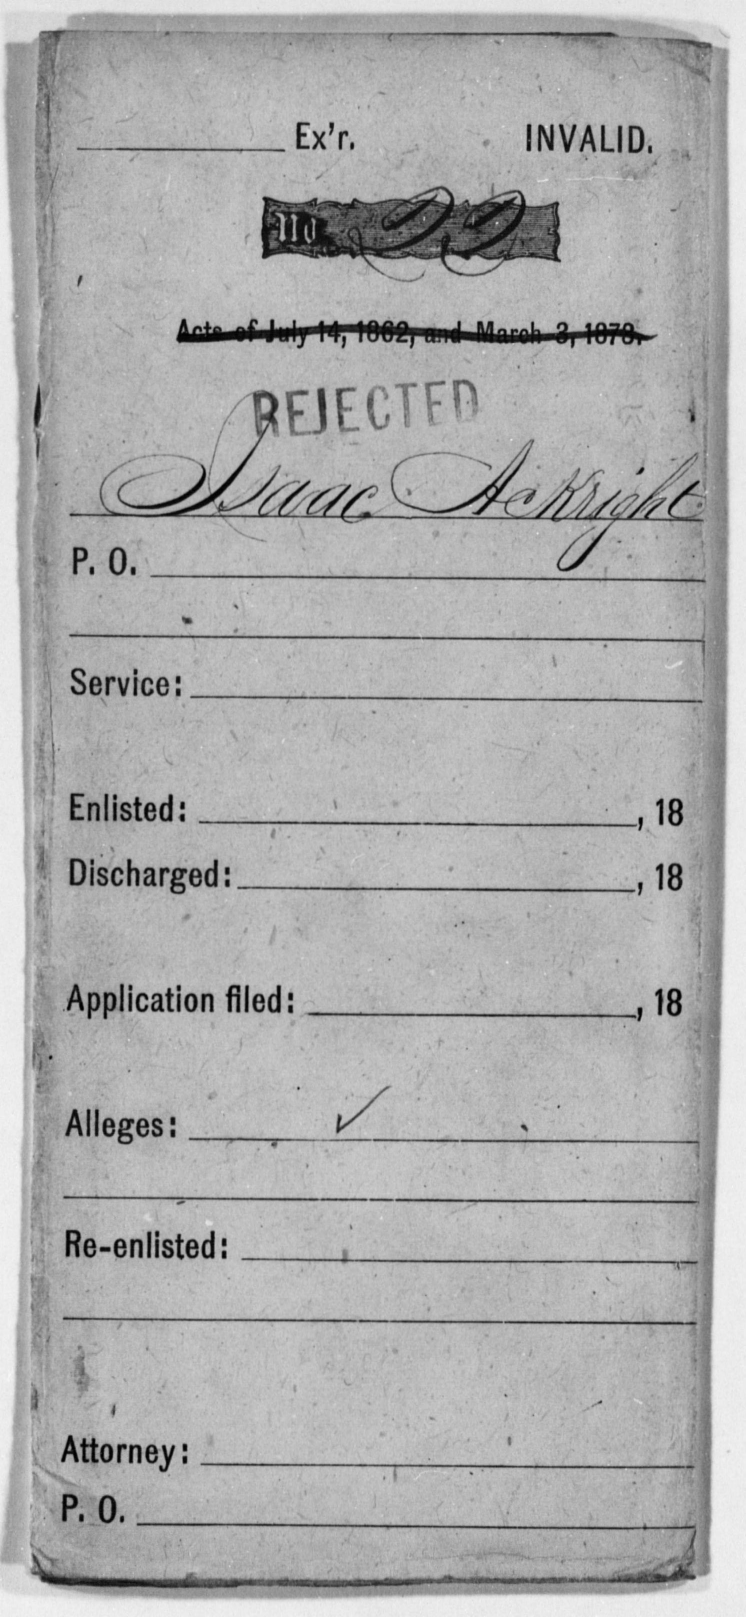INVALID
No 22

REJECTED
Isaac Ackright

Alleges - check mark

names: Isaac Ackright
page: 10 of 15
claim: rejected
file: R. 22, Isaac Ackright, Md.